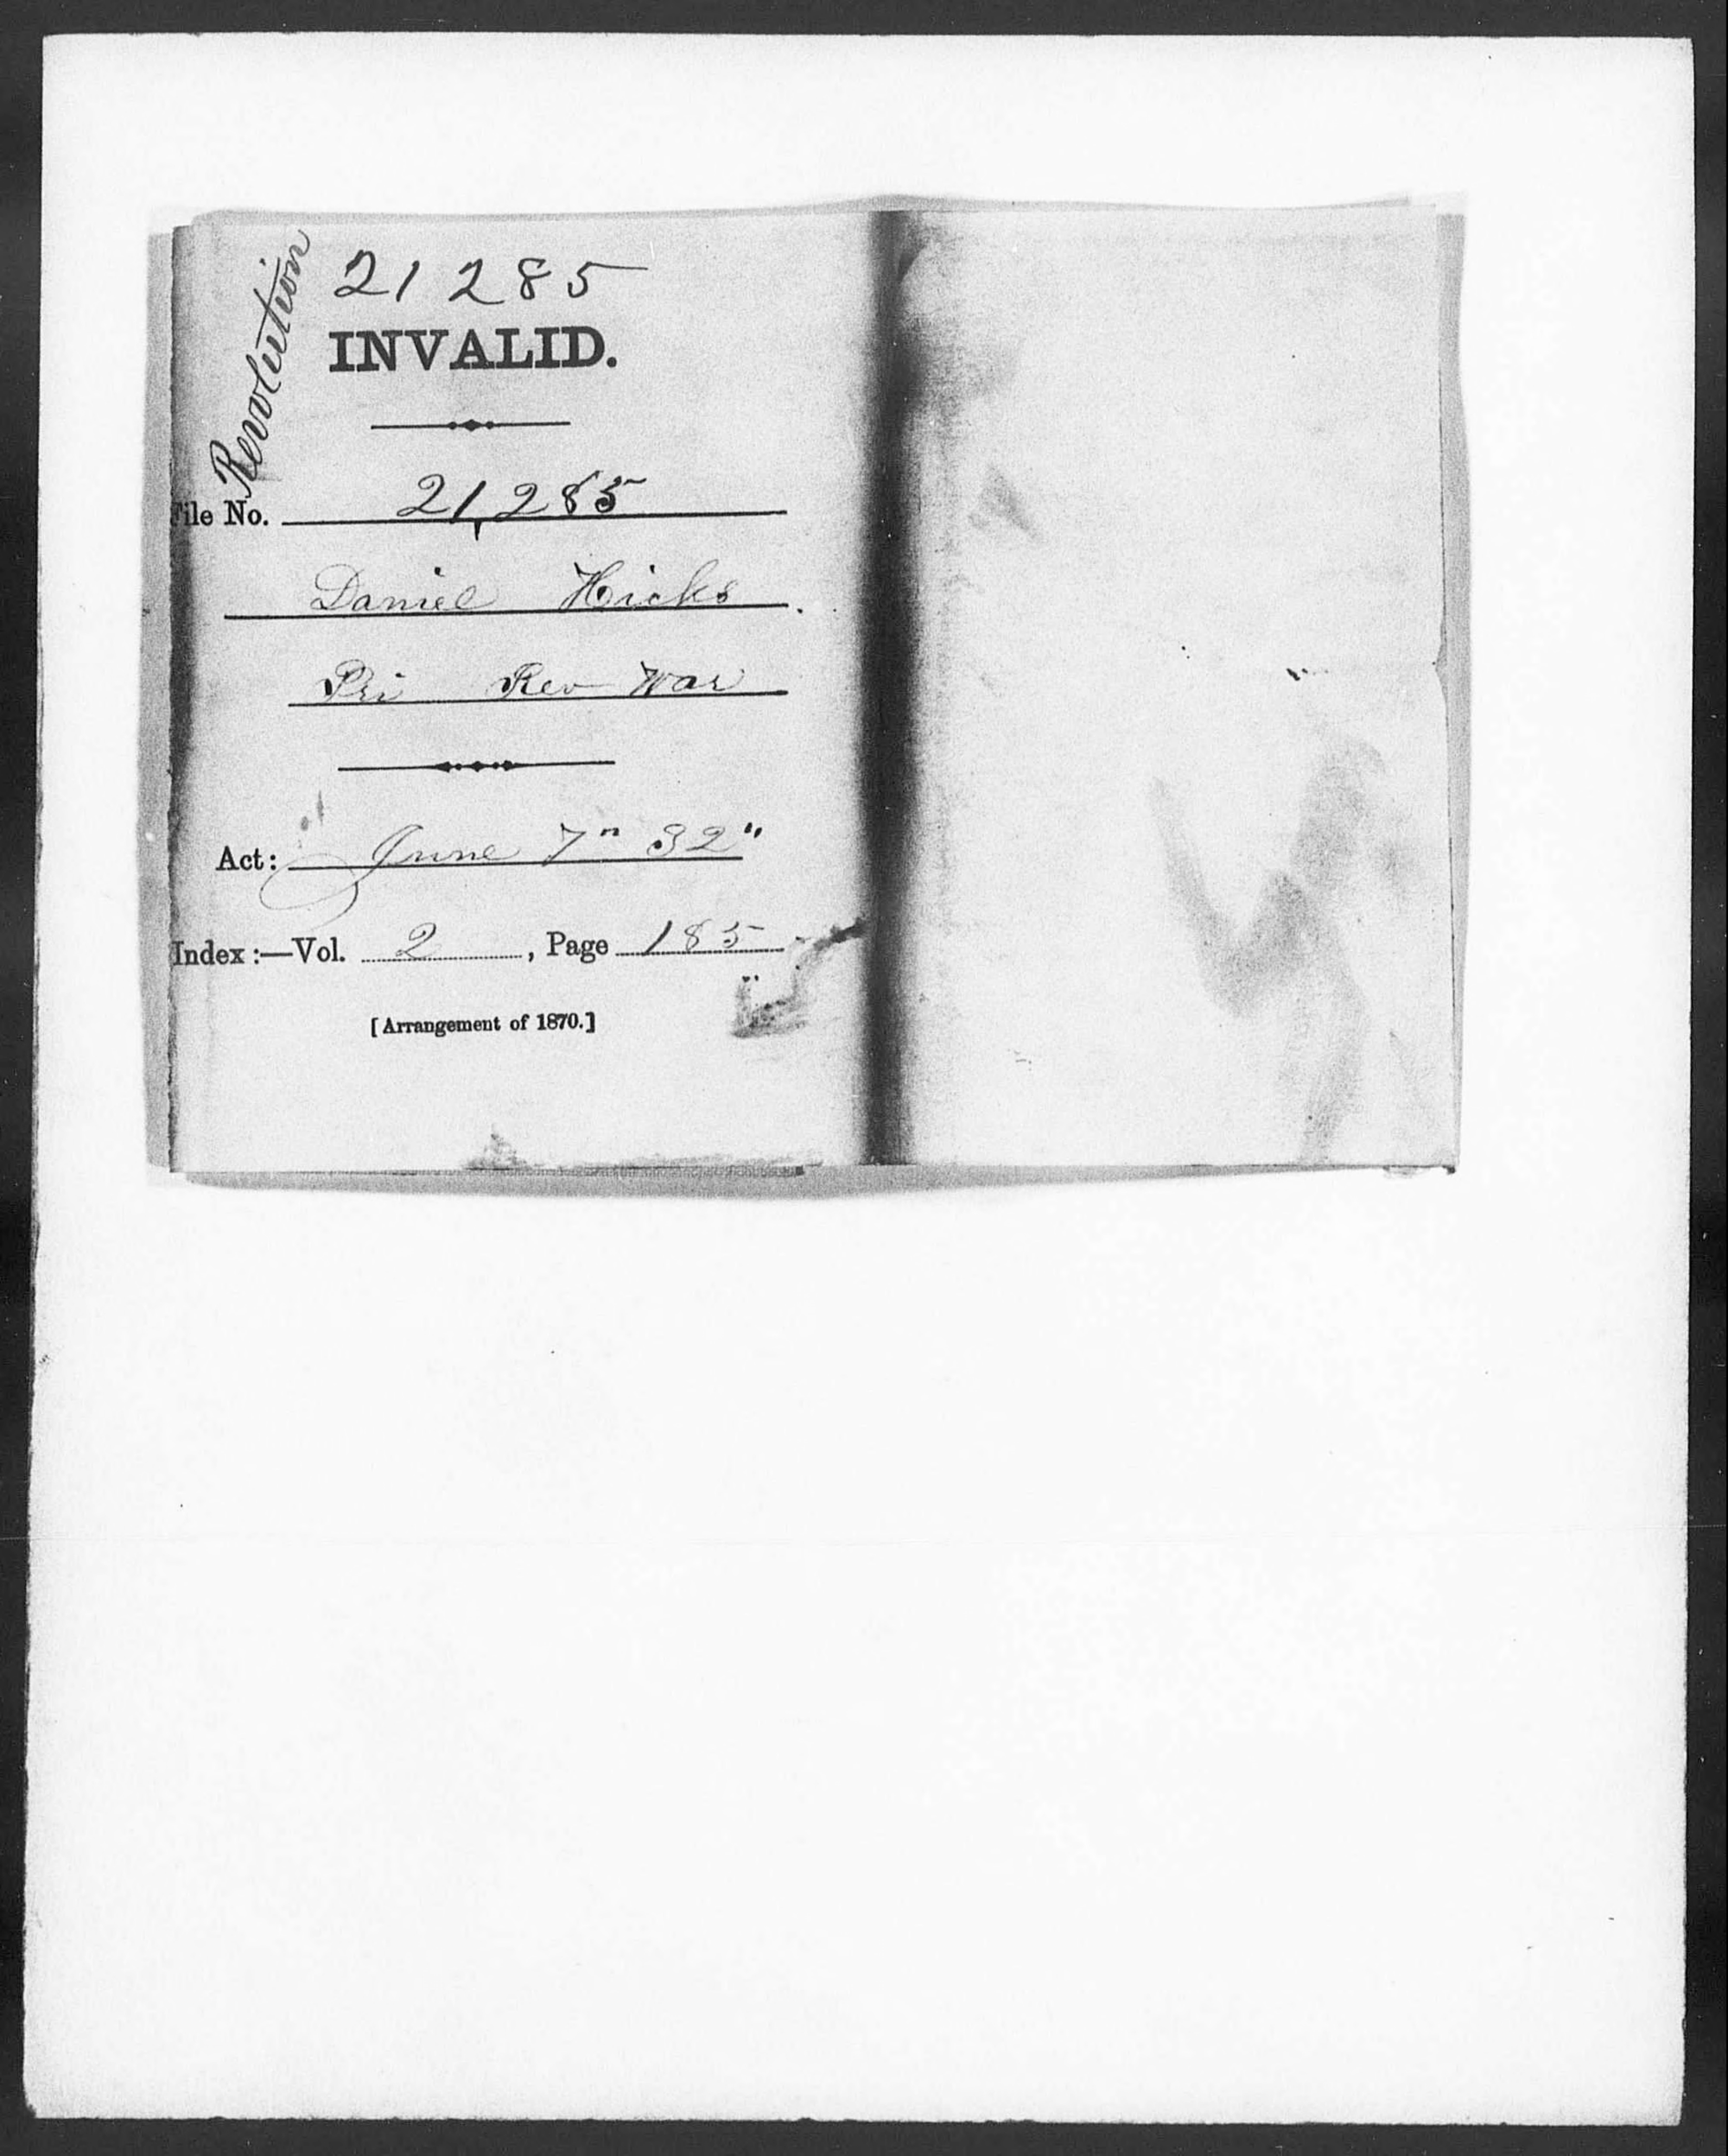[Revolution written to the side]21285
INVALID.FIle No.21, 285
Daniel Hicks
Pri Rev Warf

Act:  June 7" 32"
Index:- Vol. 2, Page 185

[Arrangement of 1870.]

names: Daniel Hicks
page: 16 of 17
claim: survivor's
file: S. 21285, Daniel Hicks, R.I.